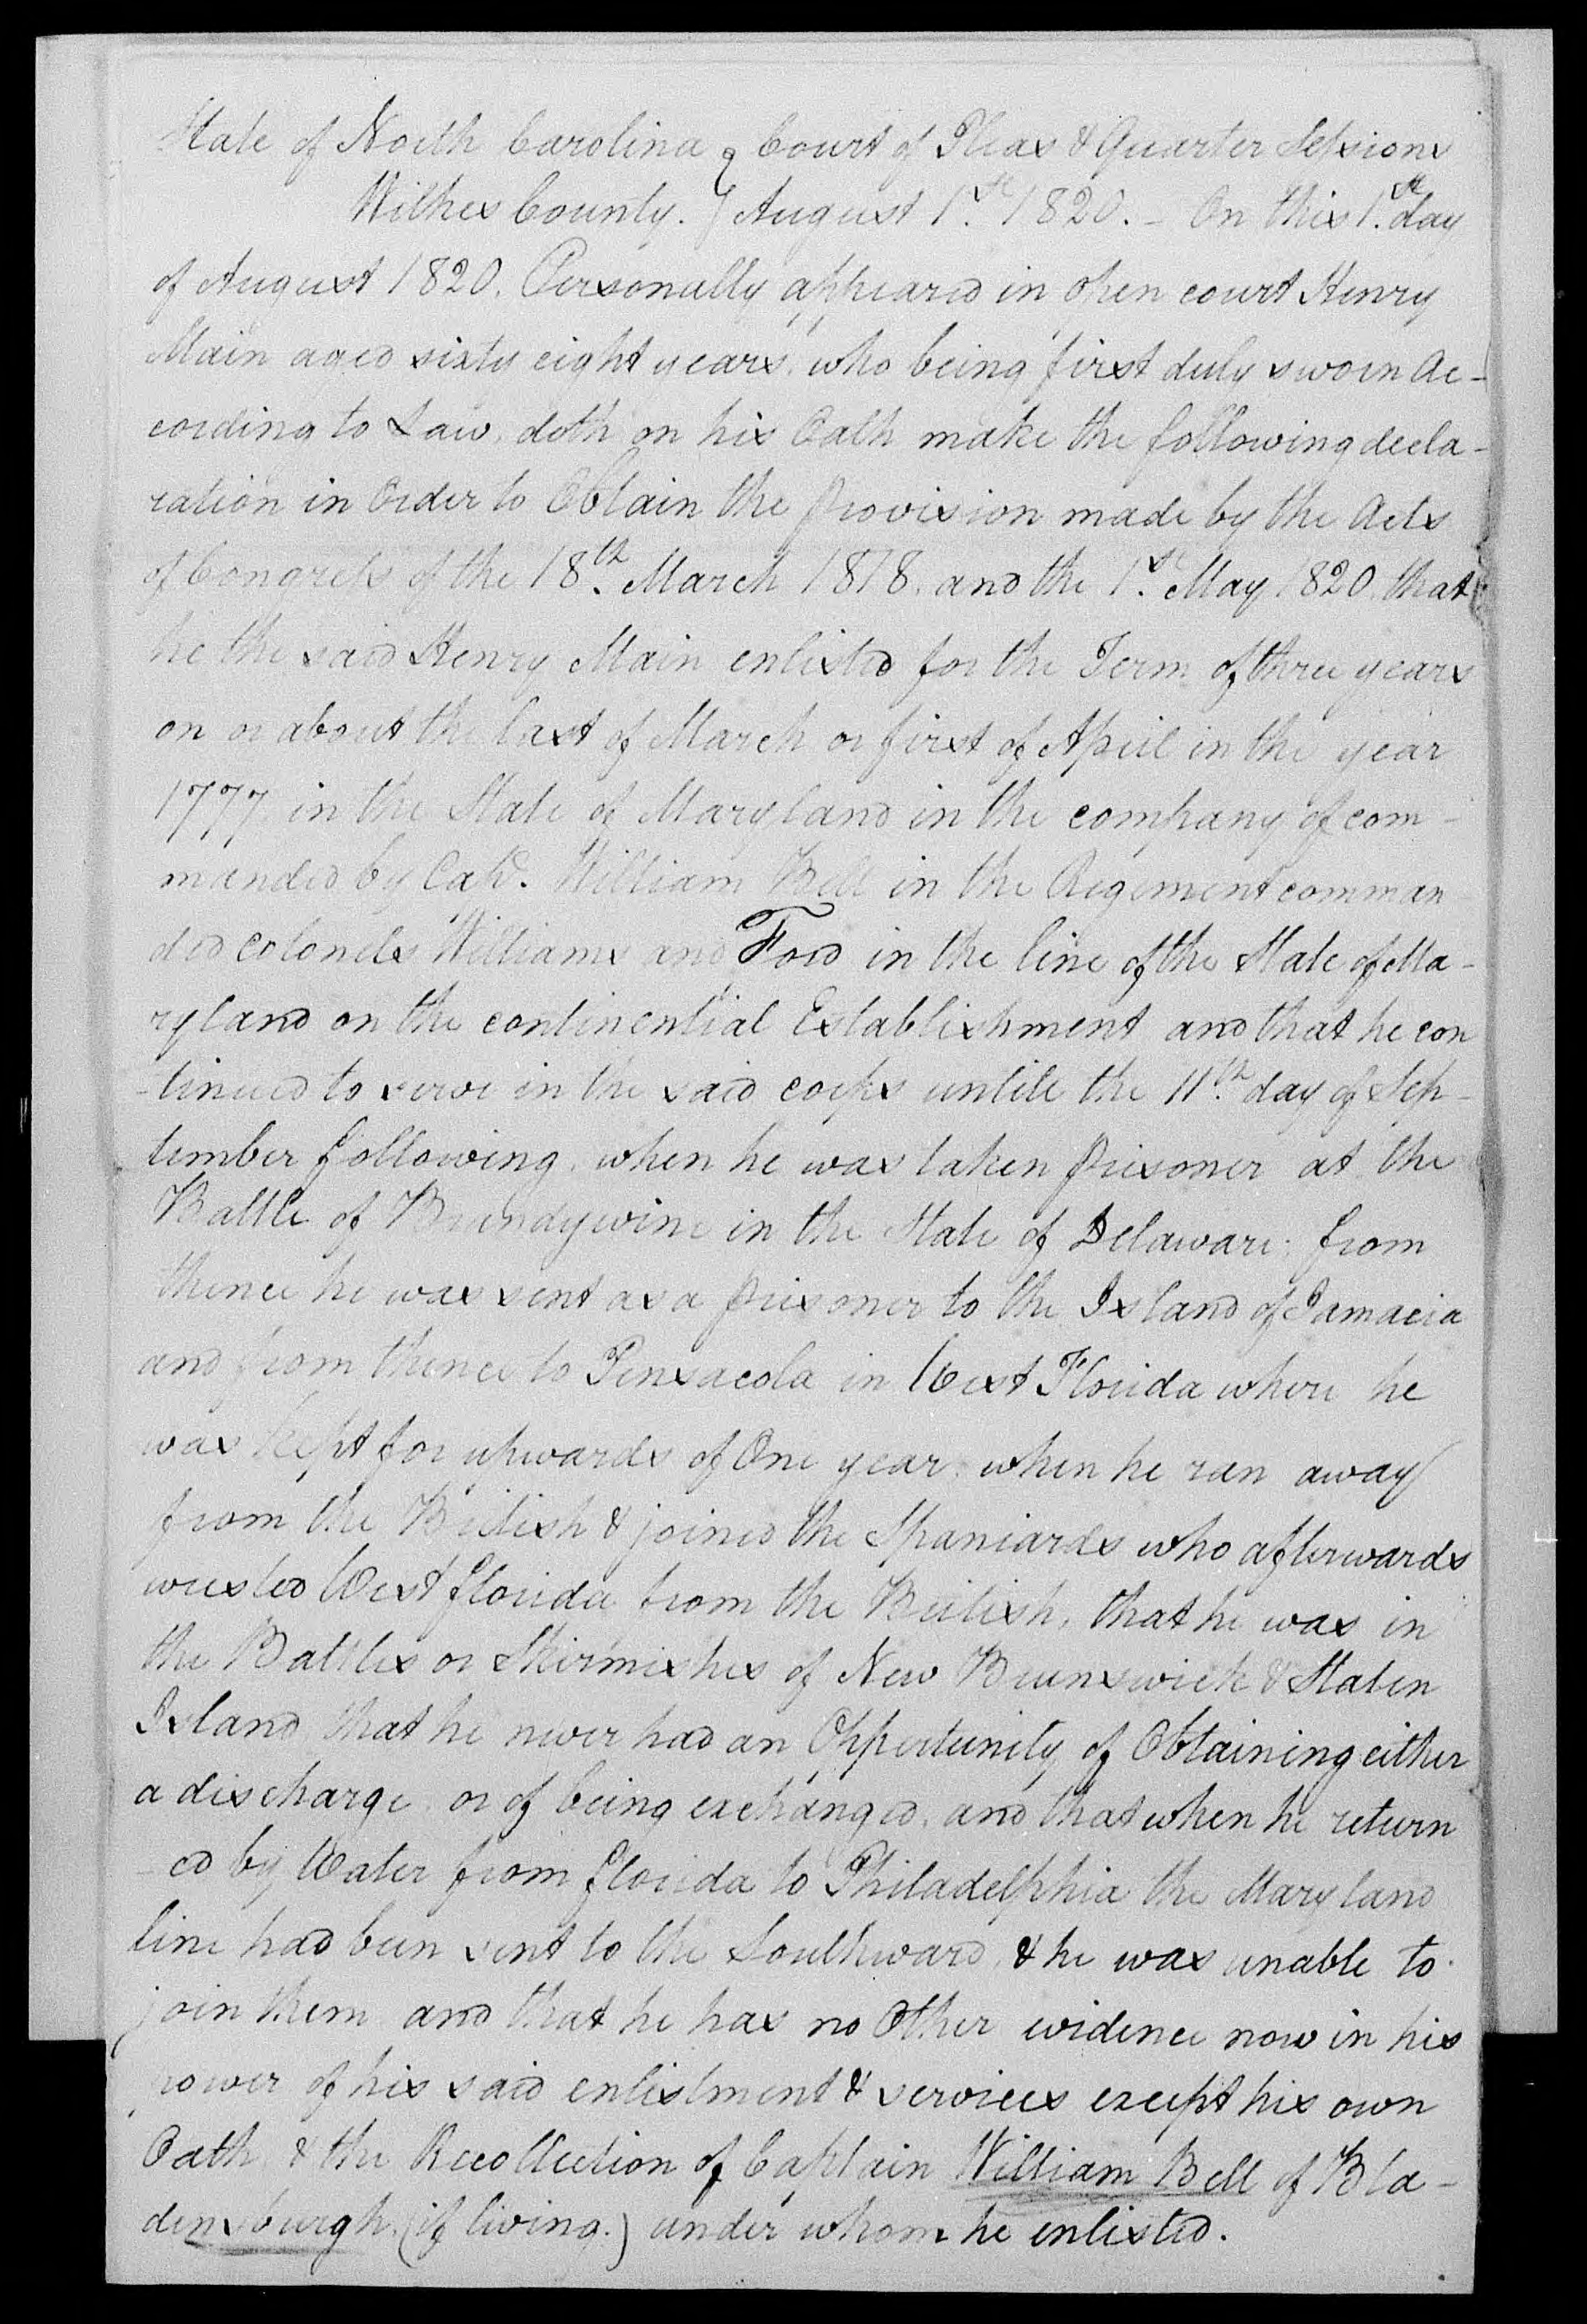State of North Carolina Wilkes County} Court of Pleas + Quarter Sessions 
August 1st 1820. On this 1st day of August 1820, Personally appeared in open court Henry Main aged sixty eight years, who being first duly sworn according to Law, doth on his Oath make the following declaration in Order to Obtain the Provision made by the Acts of Congress of the 18th March 1878, and the 1st May 1820, that he the said henry Main enlisted for the Term of three years on or about the last of March or first of April in the year 1777 in the State of Maryland in the company of commanded by Capt. William Bell in the Regiment commanded Colonels Williams and Ford in the line of the State of Maryland on the continential Establishment and that he continued to serve in the said corps untill the 11th day of September following when he was taken prisoner at the Battle of Brandywine in the State of Delaware, from thence he was sent as a prisoner to the Island of Jamacia and from thence to Pensacola in West Florida where he was kept for upwards of One year when he ran away from the British + joined the Spaniards who afterwards wrested West Florida from the British, that he was in the Battles or Skirmishes of New Brunswick + Staten Island that he never had an Opportunity of Obtaining either a discharge or of being exchanged and that when he returned b Water from Florida to Philadelphia the Maryland line had been sent to the Southward + he was unable to join them and that he has no other evidence now in his power of his said enlistment + services except his own Oath + the Recollection of Captain William Bell of Bladensburgh (if living) under whom he enlisted.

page: 4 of 13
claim: survivor's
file: S. 41806, for Henry Main, Maryland